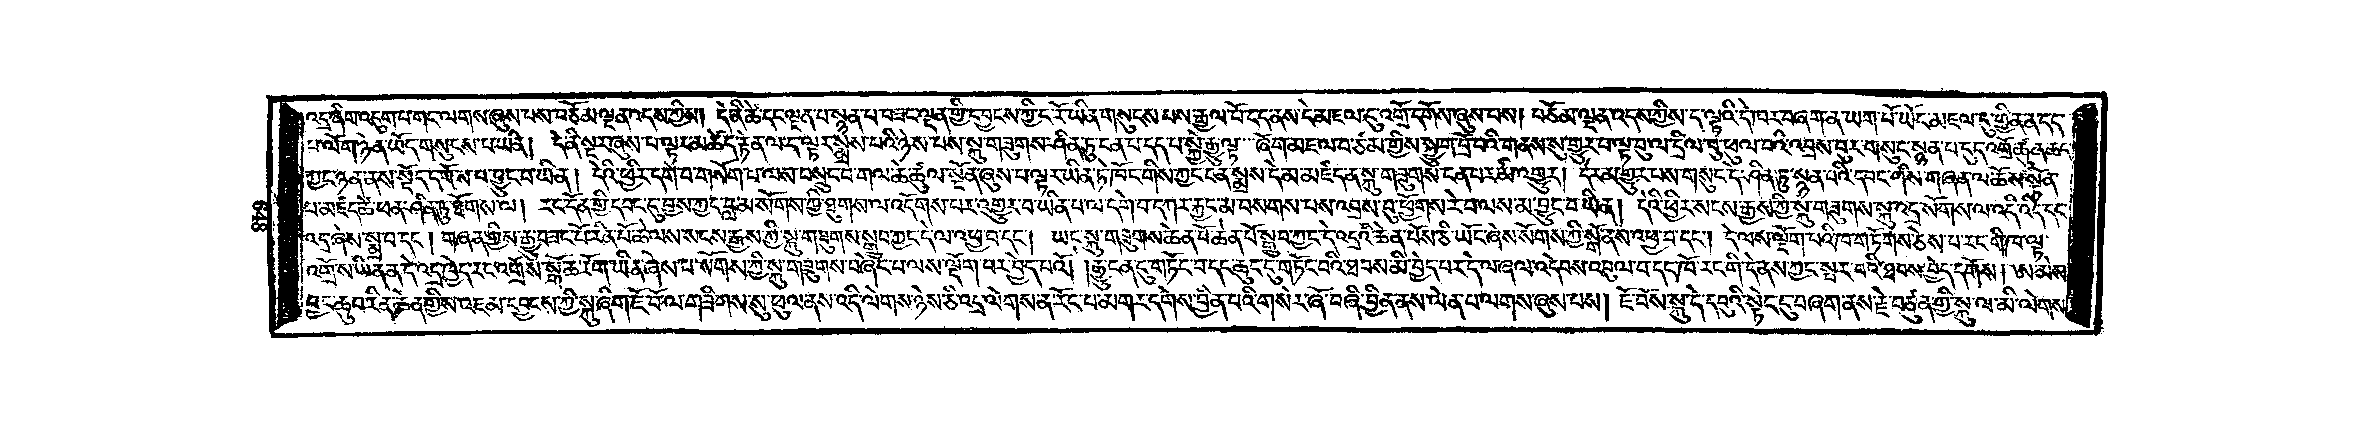འདྲ་ཞིག་འདུག་པ་གང་ལགས་ཞུས་པས་བཅོམ་ལྡན་འདས་ཀྱིས། དེ་ནི་ཚེ་དང་ལྡན་པ་སྙན་པ་བཟང་ལྡན་གྱི་དབྱངས་ཀྱི་ང་རོ་ཡིན་གསུངས་པས་རྒྱལ་པོ་དད་ནས་དེ་མཇལ་དུ་འགྲོ་དགོས་ཞུས་པས། བཅོམ་ལྡན་འདས་ཀྱིས་ད་ལྟའི་དེ་ཁར་བཞག་ན་ཡག་པོ་ཡོང་མཇལ་དུ་ཕྱིན་ན་དད་
པ་ལོག་ཉེན་ཡོད་གསུངས་པ་ཡིན། དེ་ནི་སྔར་ཞུས་པ་ལྟར་མཆོད་རྟེན་ལ་དེ་ལྟར་སྨྲས་པའི་ཉེས་པས་སྐུ་གཟུགས་ཤིན་ཏུ་ངན་པ་དད་པ་སྐྱེ་རྒྱུ་ལྟ་ཞོག་མཇལ་བ་ཙམ་གྱིས་སྐྱུག་བྲོ་བའི་གནས་སུ་གྱུར་པ་ལྟ་བུ་ལ་དྲིལ་བུ་ཕུལ་བའི་འབྲས་བུར་གསུང་སྙན་པ་དུད་འགྲོ་ཚུན་ཆད་
ཀྱང་ཉན་ནས་སྡོད་དགོས་པ་བྱུང་བ་ཡིན། དེའི་ཕྱིར་དགེ་བ་གསོག་པ་ལས་བསྲུང་བ་གལ་ཆེ་ཚུལ་སྔོན་ཞུས་པ་ལྟར་ཡིན་ཏེ་ཁོང་གིས་ཀྱང་ངན་སྨྲས་དེ་མ་མཛད་ན་སྐུ་གཟུགས་ངན་པར་མི་འགྱུར། དེར་མ་གྱུར་པས་གསུང་དེ་ཤིན་ཏུ་སྙན་པའི་དབང་གིས་གཞན་ལ་ཆོས་སྟོན་
པ་མཛད་ཚེ་ཕན་ཤིན་ཏུ་ཐོགས་ལ། རང་དོན་གྱི་དབང་དུ་བྱས་ཀྱང་བླ་མ་སོགས་ཀྱི་ཐུགས་ལ་འདོགས་པར་འགྱུར་བ་ཡིན་པ་ལ་དགེ་བ་དཀར་རྐྱང་མ་བསགས་པས་འབྲས་བུ་ཕྱོགས་རེ་བ་ལས་མ་བྱུང་བ་ཡིན། དེའི་ཕྱིར་སངས་རྒྱས་ཀྱི་སྐུ་གཟུགས་སྐུ་འདྲ་སོགས་ལ་འདི་འདི་དང་
འདྲ་ཞེས་སྨྲ་བ་དང་། གཞན་གྱིས་རྒྱུ་བཟང་པོ་རིན་པོ་ཆེ་ལས་སངས་རྒྱས་ཀྱི་སྐུ་གཟུགས་སྒྲུབ་ཀྱང་དེ་ལ་འཕྱ་བ་དང་། ཡང་སྐུ་གཟུགས་ཆེན་པོ་ཆེན་པོ་སྒྲུབ་ཀྱང་དེ་འདྲའི་ཆེན་པོས་ཅི་ཡོང་ཞེས་སོགས་ཀྱི་སྒོ་ནས་འཕྱ་བ་དང་། དེ་ལས་ལྡོག་པའི་ཁ་གཏོགས་ཅེས་པ་རང་གི་ཁ་ལྟ་
འགྲོ་ས་ཡིན་ན་དེ་འདྲ་ཁྱེད་རང་འགྲོས་སྒོ་ཆ་རོག་ཡིན་ཞེས་པ་སོགས་ཀྱི་སྐུ་གཟུགས་བཞེང་པ་ལས་ལྡོག་པར་བྱེད་པའོ། །རྒྱུ་ངན་དུ་གཏོང་བ་དང་ཆུང་དུ་གཏོང་བའི་ཐབས་མི་བྱེད་པར་དེ་ལ་ཞལ་འདེབས་འབུལ་བ་དང་ཁོ་རང་གི་དེ་ནས་ཀྱང་སྤར་བའི་ཐབས་བྱེད་དགོས། ཨ་མེས་
བྱང་ཆུབ་རིན་ཆེན་གྱིས་འཇམ་དབྱངས་ཀྱི་སྐུ་ཞིག་ཇོ་བོ་ལ་གཟིགས་སུ་ཕུལ་ནས་འདི་ལེགས་ཉེས་ཅི་འདྲ་ལེགས་ན་རོང་པ་མགར་དགེས་བྱིན་པའི་གསེར་ཞོ་བཞི་བྱིན་ནས་ལེན་པ་ལགས་ཞུས་པས། ཇོ་བོས་སྐུ་དེ་དབུའི་སྟེང་དུ་བཞག་ནས་རྗེ་བཙུན་གྱི་སྐུ་ལ་མི་ལེགས་